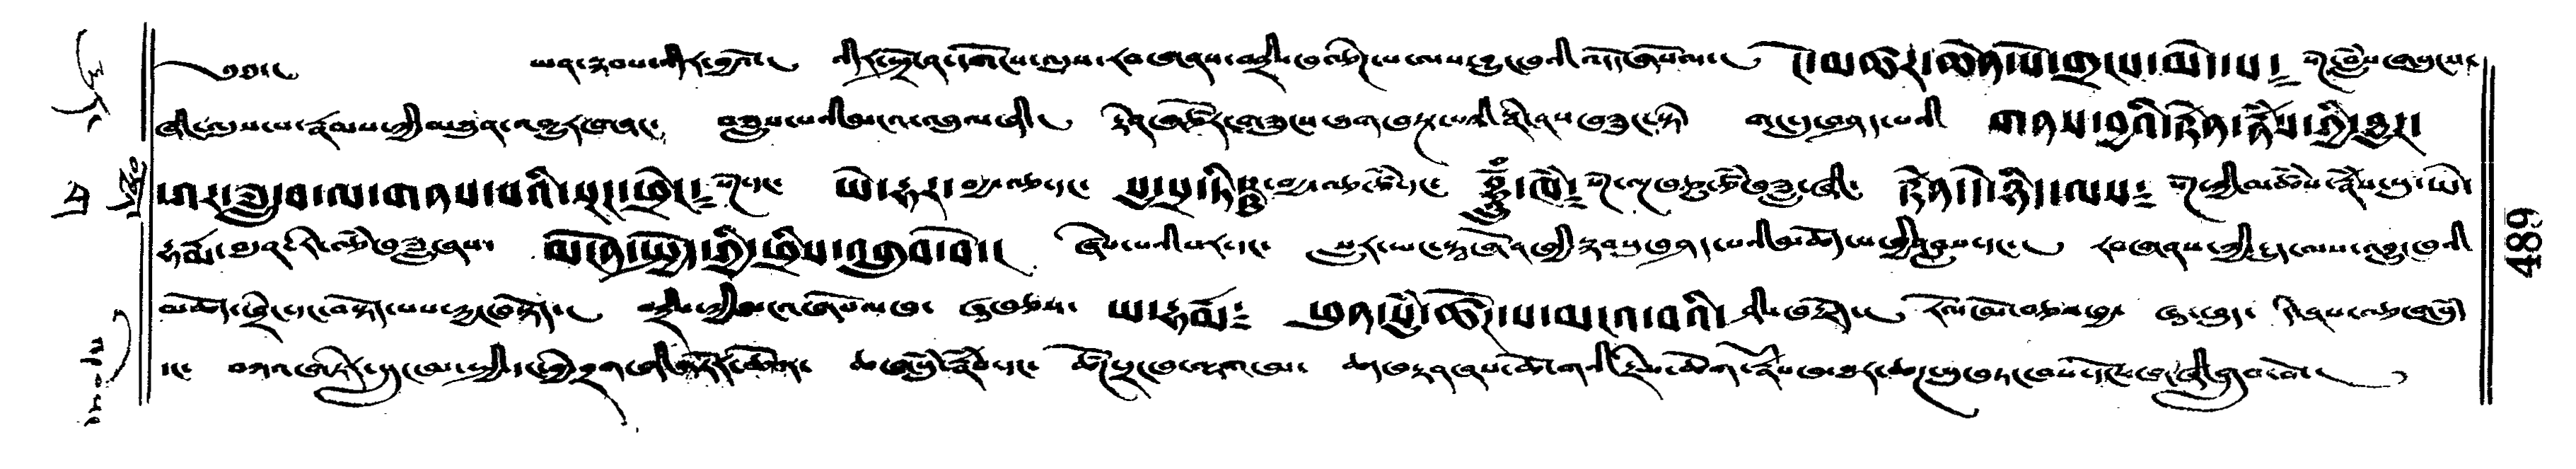ཡན་སྐབས་འདིར་བྱའོ། འདིར་སྤྲོ་ན་དགོངས་འདུས་རབ་གནས་བཀྲ་ཤིས་བརྩེགས་པ་ལས་བྱུང་བའི་འདོད་གསོལ། ངོ་མཚར་ཆེན་པོ་གྲངས་མེད་པ༴ སོགས་བླ་མས་གསུངས་
ཞིང་འདུས་པ་རྣམས་ཀྱི་མཐུན་འགྱུར་གནང་། བཟླས་པའི་མངའ་འབུལ་ནི། རྟེན་གཙོར་གཟུངས་ཐག་བཏགས་པའི་སྣེ་ནས་བཟུང་སྟེ། གོང་དུ་བཤད་པའི། གནས་བྱའི་རྟེན་རྣམས་ཀྱི་ཐུགས་
དཀར་ཟླ་བ་ལ་གནས་པའི་སྔགས་ཕྲེང༴ སོགས་དང་། ཡེ་དྷར་བརྒྱ་རྩ་དང་། སུ་པྲ་ཏིཥྛ་བརྒྱ་རྩ་ཙམ་དང་། བྷྲཱུྃ་ཁཾ༴ སོགས་ལྔ་བཅུ་ཙམ་བཟླ་ཞིང་། རྟེན་དེ་ཉིད་ལས༴ སོགས་ཀྱི་མཚམས་རྣམས་སུ་ཡེ་
དྷརྨ་བདུན་ར་ཙེམ་བཟླ་ནས། མངོན་སྤྱོད་ཀྱི་ཕྲིན་ལས་འགྲུབ་བོ། ཞེས་པའི་བར་དང་། སླར་ཡང་སྟ་གོན་གྱི་སྐབས་སུ་བཤད་པའི་མཆོད་པ་བྱིན་རླབས་དང་།རབ་གནས་ཀྱི་རྒྱུད་ལས་འབྱུང་བའི་
མཆོད་ཕྲེང་དང་བསྟོད་པས་ཀྱང་བསྟོད། བཀྲ་ཤིས་ཀྱི་མངའ་གསོལ་བ། ཞྭ་བཅས། ཡེ་དྷརྨ༴ ཕུན་སུམ་ཚོགས་པ་མངའ་བ འི་ཤིས་བརྗོད། རོལ་མོ་བཅས་བྱ། ཞྭ་ཕུད། དེ་ནས་རྩ་གསུམ་
དང་། བཀའ་གཏེར་སྲུང་མ་སྤྱི་དང་བྱེ་བྲག་གི་གཏོར་ཆོག ཆ་གསུམ་རྣམས་དང་། ཚོགས་དྲང་བ། ལྷག་མ། ཆད་བརྟན་ནས་ཆོ་གའི་རྗེས་ཆོག་རྣམས་མཐར་ཆགས་སུ་བཏང་བས་དངོས་གཞི་གྲུབ་བོ།།